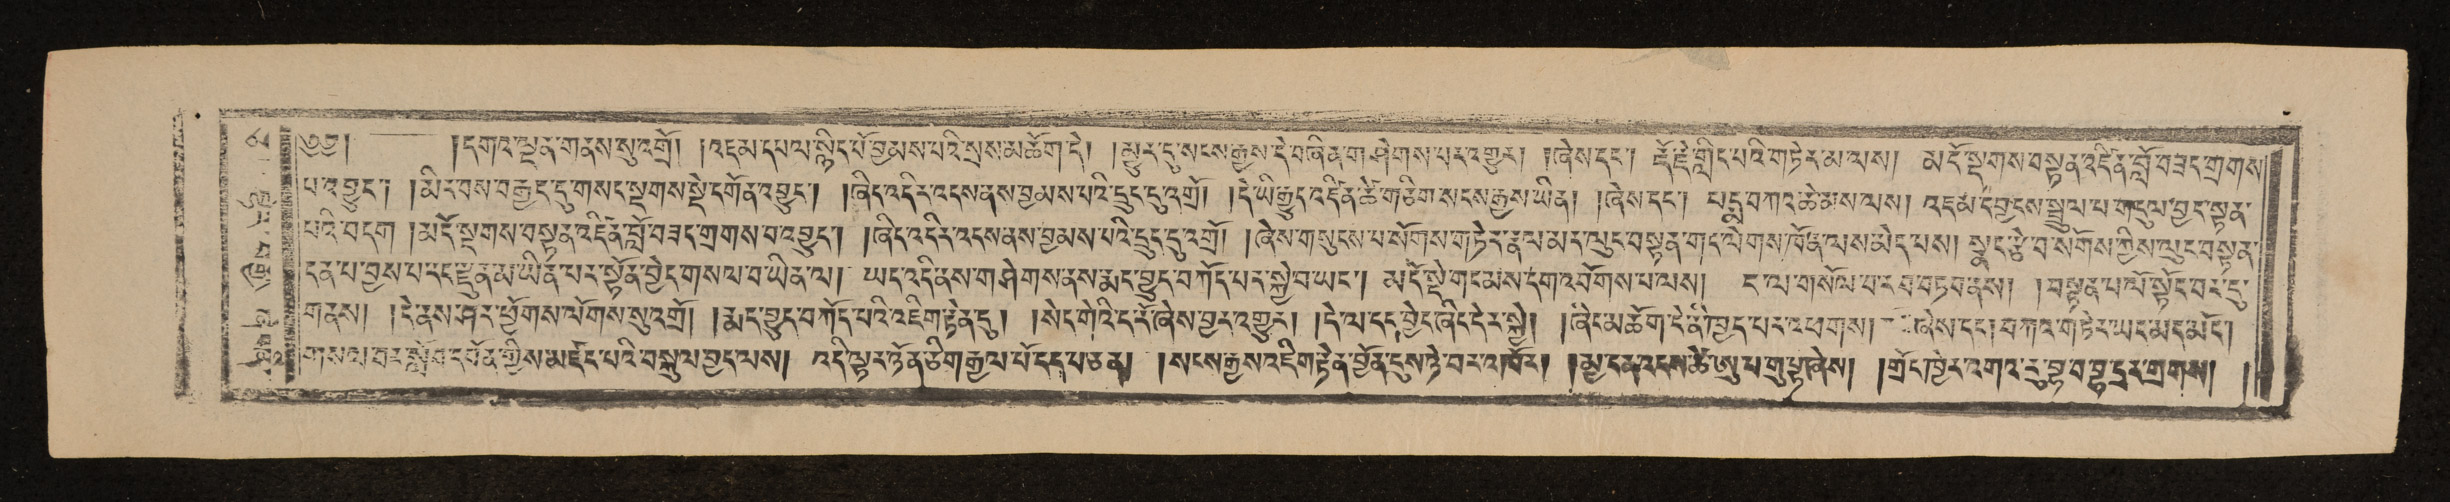༄༅། །དགའ་ལྡན་གནས་སུ་འགྲོ། །འཇམ་དཔལ་སྙིང་པོ་བྱམས་པའི་སྲས་མཆོག་དེ། །མྱུར་དུ་སངས་རྒྱས་དེ་བཞིན་གཤེགས་པར་འགྱུར། །ཞེས་དང་། རྡོ་རྗེ་གླིང་པའི་གཏེར་མ་ལས། མདོ་སྔགས་བསྟན་འཛིན་བློ་བཟང་གྲགས་
པ་འབྱུང་། །མི་རབས་བརྒྱད་དུ་གསང་སྔགས་སྡེ་དགོན་འབྱུང་། །ཞིང་འདིར་འདས་ནས་བྱམས་པའི་དྲུང་དུ་འགྲོ། །དེ་ཡི་རྒྱུད་འཛིན་ཚེ་གཅིག་སངས་རྒྱས་ཡིན། །ཞེས་དང་། པདམ་བཀའ་ཆེམས་ལས། འཇམ་དབྱངས་སྤྲུལ་པ་གདུལ་བྱ་བསྟན་
པའི་བདག །མདོ་སྔགས་བསྟན་འཛིན་བློ་བཟང་གྲགས་པ་འབྱུང་། །ཞིང་འདིར་འདས་ནས་བྱམས་པའི་དྲུང་དུ་འགྲོ། །ཞེས་གསུངས་པ་སོགས་གཏེར་རྣལ་མར་ལུང་བསྟན་གང་ལེགས་ཁོ་ན་ལས་མེད་པས། སྣང་རྩེ་བ་སོགས་ཀྱིས་ལུང་བསྟན་
ངན་པ་བྱས་པ་རང་རྫུན་མ་ཡིན་པར་སྟོན་བྱེད་གསལ་བ་ཡིན་ལ། ཡང་འདི་ནས་གཤེགས་ནས་རྨད་བྱུང་བཀོད་པར་སྐྱེ་བ་ཡང་། མདོ་སྡེ་གདམས་ངག་འབོགས་པ་ལས། ང་ལ་གསོལ་བ་རབ་བཏབ་ནས། །བསྟན་པ་ལོ་སྟོང་བར་དུ་
གནས། །དེ་ནས་ཤར་ཕྱོགས་ལོགས་སུ་འགྲོ། །རྨད་བྱུང་བཀོད་པའི་འཇིག་རྟེན་དུ། །སེང་གེའི་ང་རོ་ཞེས་བྱར་འགྱུར། །དེ་ལ་དད་བྱེད་ཞིང་དེར་སྐྱེ། །ཞིང་མཆོག་དེ་ནི་ཁྱད་པར་འཕགས། ཞེས་དང་། བཀའ་གཏེར་ཡང་མང་མོད།
གསལ་བར་སློབ་དཔོན་གྱིས་མཛད་པའི་བསྐུལ་བྱང་ལས། འདི་ལྟར་ཉོན་ཅིག་རྒྱལ་པོ་དད་པ་ཅན། །སངས་རྒྱས་འཇིག་རྟེན་བྱོན་དུས་ཉེ་བར་འཁོར། །མྱ་ངན་འདས་ཚེ་ཨུ་པ་གུཔྟ་ཞེས། །གྲོང་ཁྱེར་འགའ་རུ་བྷ་བ་བྷ་དྲར་གྲགས། །